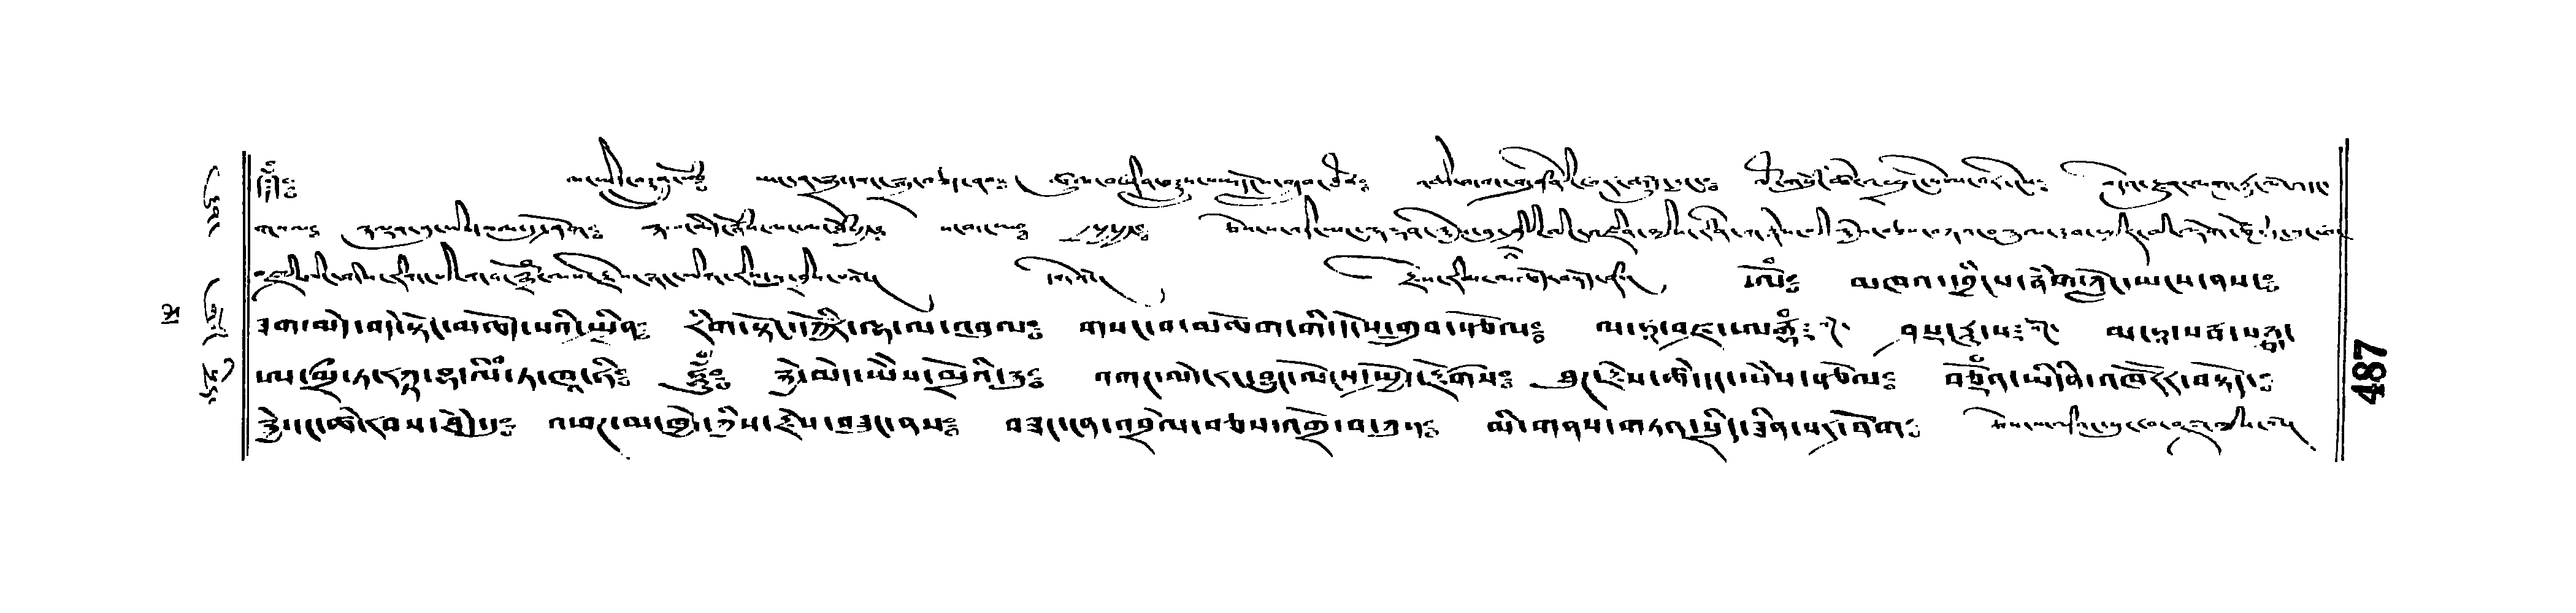ལ་ཡིད་བཟླས་སམ༔ ཡང་ན་སྒྲ་དག་སྨྲ་བཅད་ནས༔ ཚུལ་བཞིན་བཟླས་པས་དངོས་གྲུབ་ཐོབ༔ འཆི་བདག་གཤིན་ཆེའི་ཁར་ཚུད་ཀྱང༔ ལམ་གསུམ་ཚེ་འཕྲང་སེལ་བར་ངེསཿ བདེན་རྫུན་ལག་ཏུ་ལོངས་དང་
གསལ༔ སྐལ་ལྡན་བུ་ཡི་དཔལ་དུ་ཤོག༔ སྐལ་མེད་རྣམས་ལ་ཨ་ཐམ་རྒྱ༔ ས་མ་ཡ༔ རྒྱ་རྒྱ་རྒྱ༔ ཅེས་པ་འདི་ཡང་སྐལ་ལྡན་སྐྱེས་བུ་ཤྲཱིའི་མིང་འཛིན་གྱིས་རིན་ཆེན་གཉིས་པའི་སྐྱེས་བཅས་བཀའ་བསྐུལ་ཟབ་ཕྱིར་མི་ལྡོག་ཙམ་དུ་སུ་ཁ་
བཛྲའི་མིང་གིས་རིག་པའི་གབ་སྒྲོམ་ལས་རྗེས་སྣང་ཡིག་རིས་སུ་བྲིས་པའོ།། དགེའོ།། རྗེས་རིམ་མཆོད་བསྟོད་ནི༔ ཨོཾ༔ མཁའ་དབྱིངས་རྣམ་དག་ཀློང་ཡངས་ནས༔ 
ཟག་མེད་བདེ་སྟོང་མཆོད་པའི་སྤྲིན༔ རིག་སྟོང་དཀྱིལ་འཁོར་ལྷ་ལ་འབུལ༔ གསང་བ་མཆོག་གི་དངོས་གྲུབ་སྩོལ༔ མ་ཧཱ་བཛྲ་ཨརྒྷཾ་སོགས༔ ཤཔྡ་རཱུ་པ་སོགས༔ མ་ཧཱ་སརྦ་པཉྩ་
ཨ་མྲྀ་ཏ་རཀྟ་བྷ་ལིཾ་ཏ་ཁཱ་ཧིཿ ཧཱུྃ༔ སྐྱེ་མེད་ཡེ་ཤེས་མཁའ་འགྲོའི་སྐུ༔ འགགས་མེད་རང་བྱུང་ལོངས་སྤྱོད་རྫོགས༔ ཐུགས་རྗེས་ཚེ་དང་ཡེ་ཤེས་སྩོལ༔ བཅོམ་ལྡན་ཡིད་བཞིན་འཁོར་ལོར་བསྟོད༔
སྐྱེ་དང་ཚེ་རབས་ཐམས་ཅད་དུ༔ འཕགས་མ་ཁྱེད་ཀྱིས་རྗེས་བཟུང་ནས༔ བཟང་ངན་འབྲེལ་བཅས་འགྲོ་བ་ཀུན༔ མི་གནས་གཏན་སྲིད་ཟིན་པར་ཤོག༔ ཅེས་པ་འདིའང་སུ་ཁ་བཛྲ་གྱིས་སོ།།